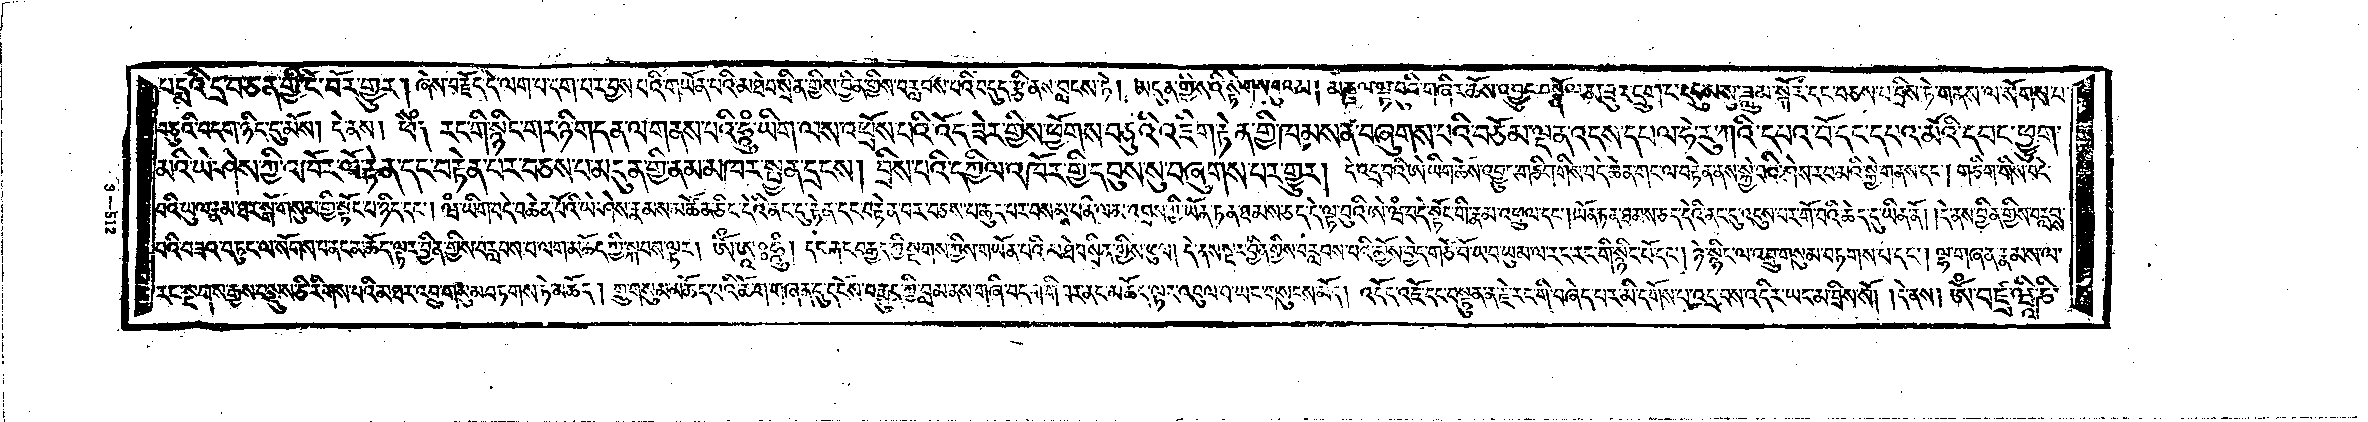པདམའི་དྲ་བ་ཅན་གྱི་ངོ་བོར་གྱུར། ཞེས་བརྗོད་དེ་ལག་པ་དག་པར་བྱས་པའི་གཡོན་པའི་མཐེབ་སྲིན་གྱིས་བྱིན་གྱིས་བརླབས་པའི་བདུད་རྩི་ནས་བླངས་ཏེ། མདུན་གྱི་སའི་སྟེགས་བུའམ། མཎྜལ་ལྟ་བུའི་གཞིར་ཆོས་འབྱུང་བ་སྣོལ་མ་ཟུར་དྲུག་པ་དངུས་སུ་ཟླུམ་སྐོར་དང་བཅས་པ་བྲིས་ཏེ་གནས་ལ་སོགས་པ་
བཅུའི་བདག་ཉིད་དུ་མོས། དེ་ནས། ཕེཾ༑ རང་གི་སྙིང་གར་ཉི་གདན་ལ་གནས་པའི་ཧཱུཾ་ཡིག་ལས་འཕྲོས་པའི་འོད་ཟེར་གྱིས་ཕྱོགས་བཅུའི་འཇིག་རྟེན་གྱི་ཁམས་ན་བཞུགས་པའི་བཅོམ་ལྡན་འདས་དཔལ་ཧེ་རུ་ཀའི་དཔའ་བོ་དང་དཔའ་མོའི་དབང་ཕྱུག་
མའི་ཡེ་ཤེས་ཀྱི་འཁོར་ལོ་རྟེན་དང་བརྟེན་པར་བཅས་པ་མདུན་གྱི་ནམ་མཁར་སྤྱན་དྲངས། བྲིས་པའི་དཀྱིལ་འཁོར་གྱི་དབུས་སུ་བཞུགས་པར་གྱུར། དེ་འདྲ་བའི་ཨེ་ཡིག་ཆོས་འབྱུང་གཅིག་གིས་བདེ་ཆེན་གང་ལ་བརྟེན་ནས་སྐྱེ་བའི་ཤེས་རབ་མའི་སྐྱེ་གནས་དང་། གཅིག་གིས་བདེ་
བའི་ཡུལ་རྣམ་ཐར་སྒོ་གསུམ་གྱི་སྟོང་པ་ཉིད་དང་། ཝཾ་ཡིག་བདེ་བ་ཆེན་པོའི་ཡེ་ཤེས་རྣམས་མཚོན་ཅིང་དེའི་ནང་དུ་རྟེན་དང་བརྟེན་པར་བཅས་པ་ཆུད་པར་བསམས་པ་ནི་ལམ་འབྲས་ཀྱི་ཡོན་ཏན་ཐམས་ཅད་དེ་ལྟ་བུའི་ཨེ་ཝཾ་བདེ་སྟོང་གི་རྣམ་འཕྲུལ་དང་། ཡོན་ཏན་ཐམས་ཅད་དེའི་ནང་དུ་འདུས་བར་གོ་བའི་ཆེད་དུ་ཡིན་ནོ། །དེ་ནས་བྱིན་གྱིས་བརླབས་
བའི་བཟའ་བཏུང་ལ་སོགས་པ་ནང་མཆོད་ལྟར་བྱིན་གྱིས་བརླབས་བ་ལག་མཆོད་ཀྱི་སྐབས་ལྟར། ཨོཾ་ཨཱཿཧཱུཾ། དང་རྐང་བརྒྱད་ཀྱི་སྔགས་ཀྱིས་གཡོན་པའི་མཐེབ་སྲིན་གྱིས་ཕུལ། དེ་ནས་སྔར་བྱིན་གྱིས་བརླབས་པའི་མྱོས་བྱེད་གཙོ་བོ་ཡབ་ཡུམ་ལ་རང་རང་གི་སྙིང་པོ་དང་། ཉེ་སྙིང་ལ་འབྲུ་གསུམ་བཏགས་པ་དང་། ལྷ་གཞན་རྣམས་ལ་
རང་སྔགས་རྒྱས་བསྡུས་ཅི་རིགས་པའི་མཐར་འབྲུ་གསུམ་བཏགས་ཏེ་མཆོད། གྲུ་གསུམ་མཆོད་པའི་ཆོ་ག་གཞན་དུ་དངོས་བརྒྱུད་ཀྱི་བླ་མ་ནས་གཞི་བདག་གི་བར་ནང་མཆོད་ལྟར་འབུལ་བ་ཡང་གསུངས་མོད། འདོད་འཇོ་དང་བསྟུན་ན་རྗེ་རང་གི་བཞེད་པར་མི་དགོས་པ་འདྲ་བས་འདིར་ཡང་མ་བྲིས་སོ། །དེ་ནས། ཨོཾ་བཛྲ་ཝཱི་ཎི་